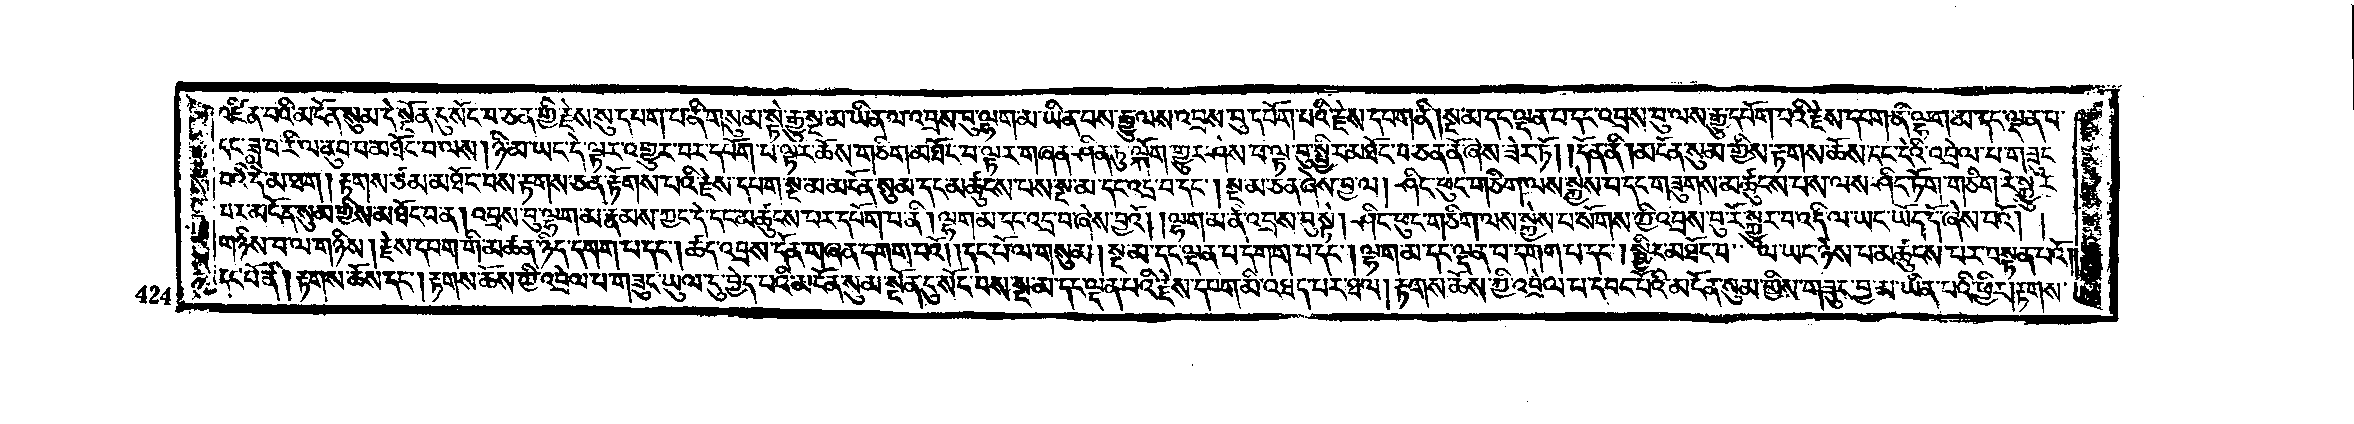འཛིན་པའི་མངོན་སུམ་དེ་སྔོན་སུ་སོང་བ་ཅན་གྱི་རྗེས་སུ་དཔག་པ་ནི་སྟེ་རྒྱུ་སྔ་མ་ཡིན་ལ་འབྲས་བུ་ལྷག་མ་ཡིན་པས་རྒྱུ་ལས་འབྲས་བུ་དཔོག་པའི་རྗེས་དཔག་ནི། སྔ་མ་དང་ལྡན་པ་དང་འབྲས་བུ་ལས་རྒྱུ་དཔོག་པའི་རྗེས་དཔག་ནི་ལྷག་མ་དང་ལྡན་པ་
དང་ཟླ་བ་རི་ལ་ནུབ་པ་མཐོང་བ་ལས། ཉི་མ་ཡང་དེ་ལྟར་འགྱུར་པར་དཔོག་པ་ལྟར་ཆོས་གཅིག་མཐོང་བ་ལྟར་གཞན་ཤིན་ཏུ་ལྐོག་གྱུར་ཤེས་པ་ལྟ་བུ་སྤྱིར་མཐོང་བ་ཅན་ནོ་ཞེས་ཟེར་ཏོ། །དོན་ནི། མངོན་སུམ་གྱིས་རྟགས་ཆོས་དང་དེའི་འབྲེལ་པ་གཟུང་
བའི་དེ་མ་ཐག །རྟགས་ཙམ་མཐོང་བས་རྟགས་པའི་རྗེས་དཔག་སྔ་མ་མངོན་སུམ་དང་མཚུངས་པས་སྔ་མ་དང་འདྲ་བ་དང་། སྔ་མ་ཅན་ཞེས་བྱ་ལ། ཤིང་ཕུང་གཅིག་ལས་སྐྱེས་བ་དང་གཟུགས་མཚུངས་པས་ལས་ཤིང་ཏོག་གཅིག་རེ་སྐྱུར་
པར་མངོན་སུམ་གྱིས་མཐོང་བ་ན། འབྲས་བུ་ལྷག་མ་རྣམས་ཀྱང་དེ་དང་མཚུངས་པར་དཔོག་པ་ནི། ལྷག་མ་དང་འདྲ་བ་ཞེས་བྱའོ། །ལྷག་མ་ནི་འབྲས་བུ་སྟེ། ཤིང་ཕུང་གཅིག་ལས་སྐྱེས་པ་སོགས་ཀྱི་འབྲས་བུ་རོ་སྐྱུར་བ་འདི་ལ་ཡང་ཡོད་དོ་ཞེས་པའོ། །
གཉིས་པ་ལ་གཉིས། རྗེས་དཔག་གི་མཚན་ཉིད་ཉིད་དགག་པ་དང་། ཚད་འབྲས་དོན་གཞན་དགག་པའོ། །དང་པོ་ལ་གསུམ། སྔ་མ་དང་ལྡན་པ་དགག་པ་དང་། ལྷག་མ་དང་ལྡན་པ་དགག་པ་དང་། སྤྱིར་མཐོང་བ་ལ་ཡང་ཉེས་པ་མཚུངས་པར་བསྟན་པའོ། །
དང་པོ་ནི། རྟགས་ཆོས་དང་། རྟགས་ཆོས་ཀྱི་འབྲེལ་པ་གཟུང་ཡུལ་དུ་བྱེད་པའི་མངོན་སུམ་སྔོན་དུ་སོང་བས་སྔ་མ་དང་ལྡན་པའི་རྗེས་དཔག་མི་འཐད་པར་ཐལ། རྟགས་ཆོས་ཀྱི་འབྲེལ་པ་དབང་པོའི་མངོན་སུམ་གྱིས་གཟུང་བྱ་མ་ཡིན་པའི་ཕྱིར། རྟགས་